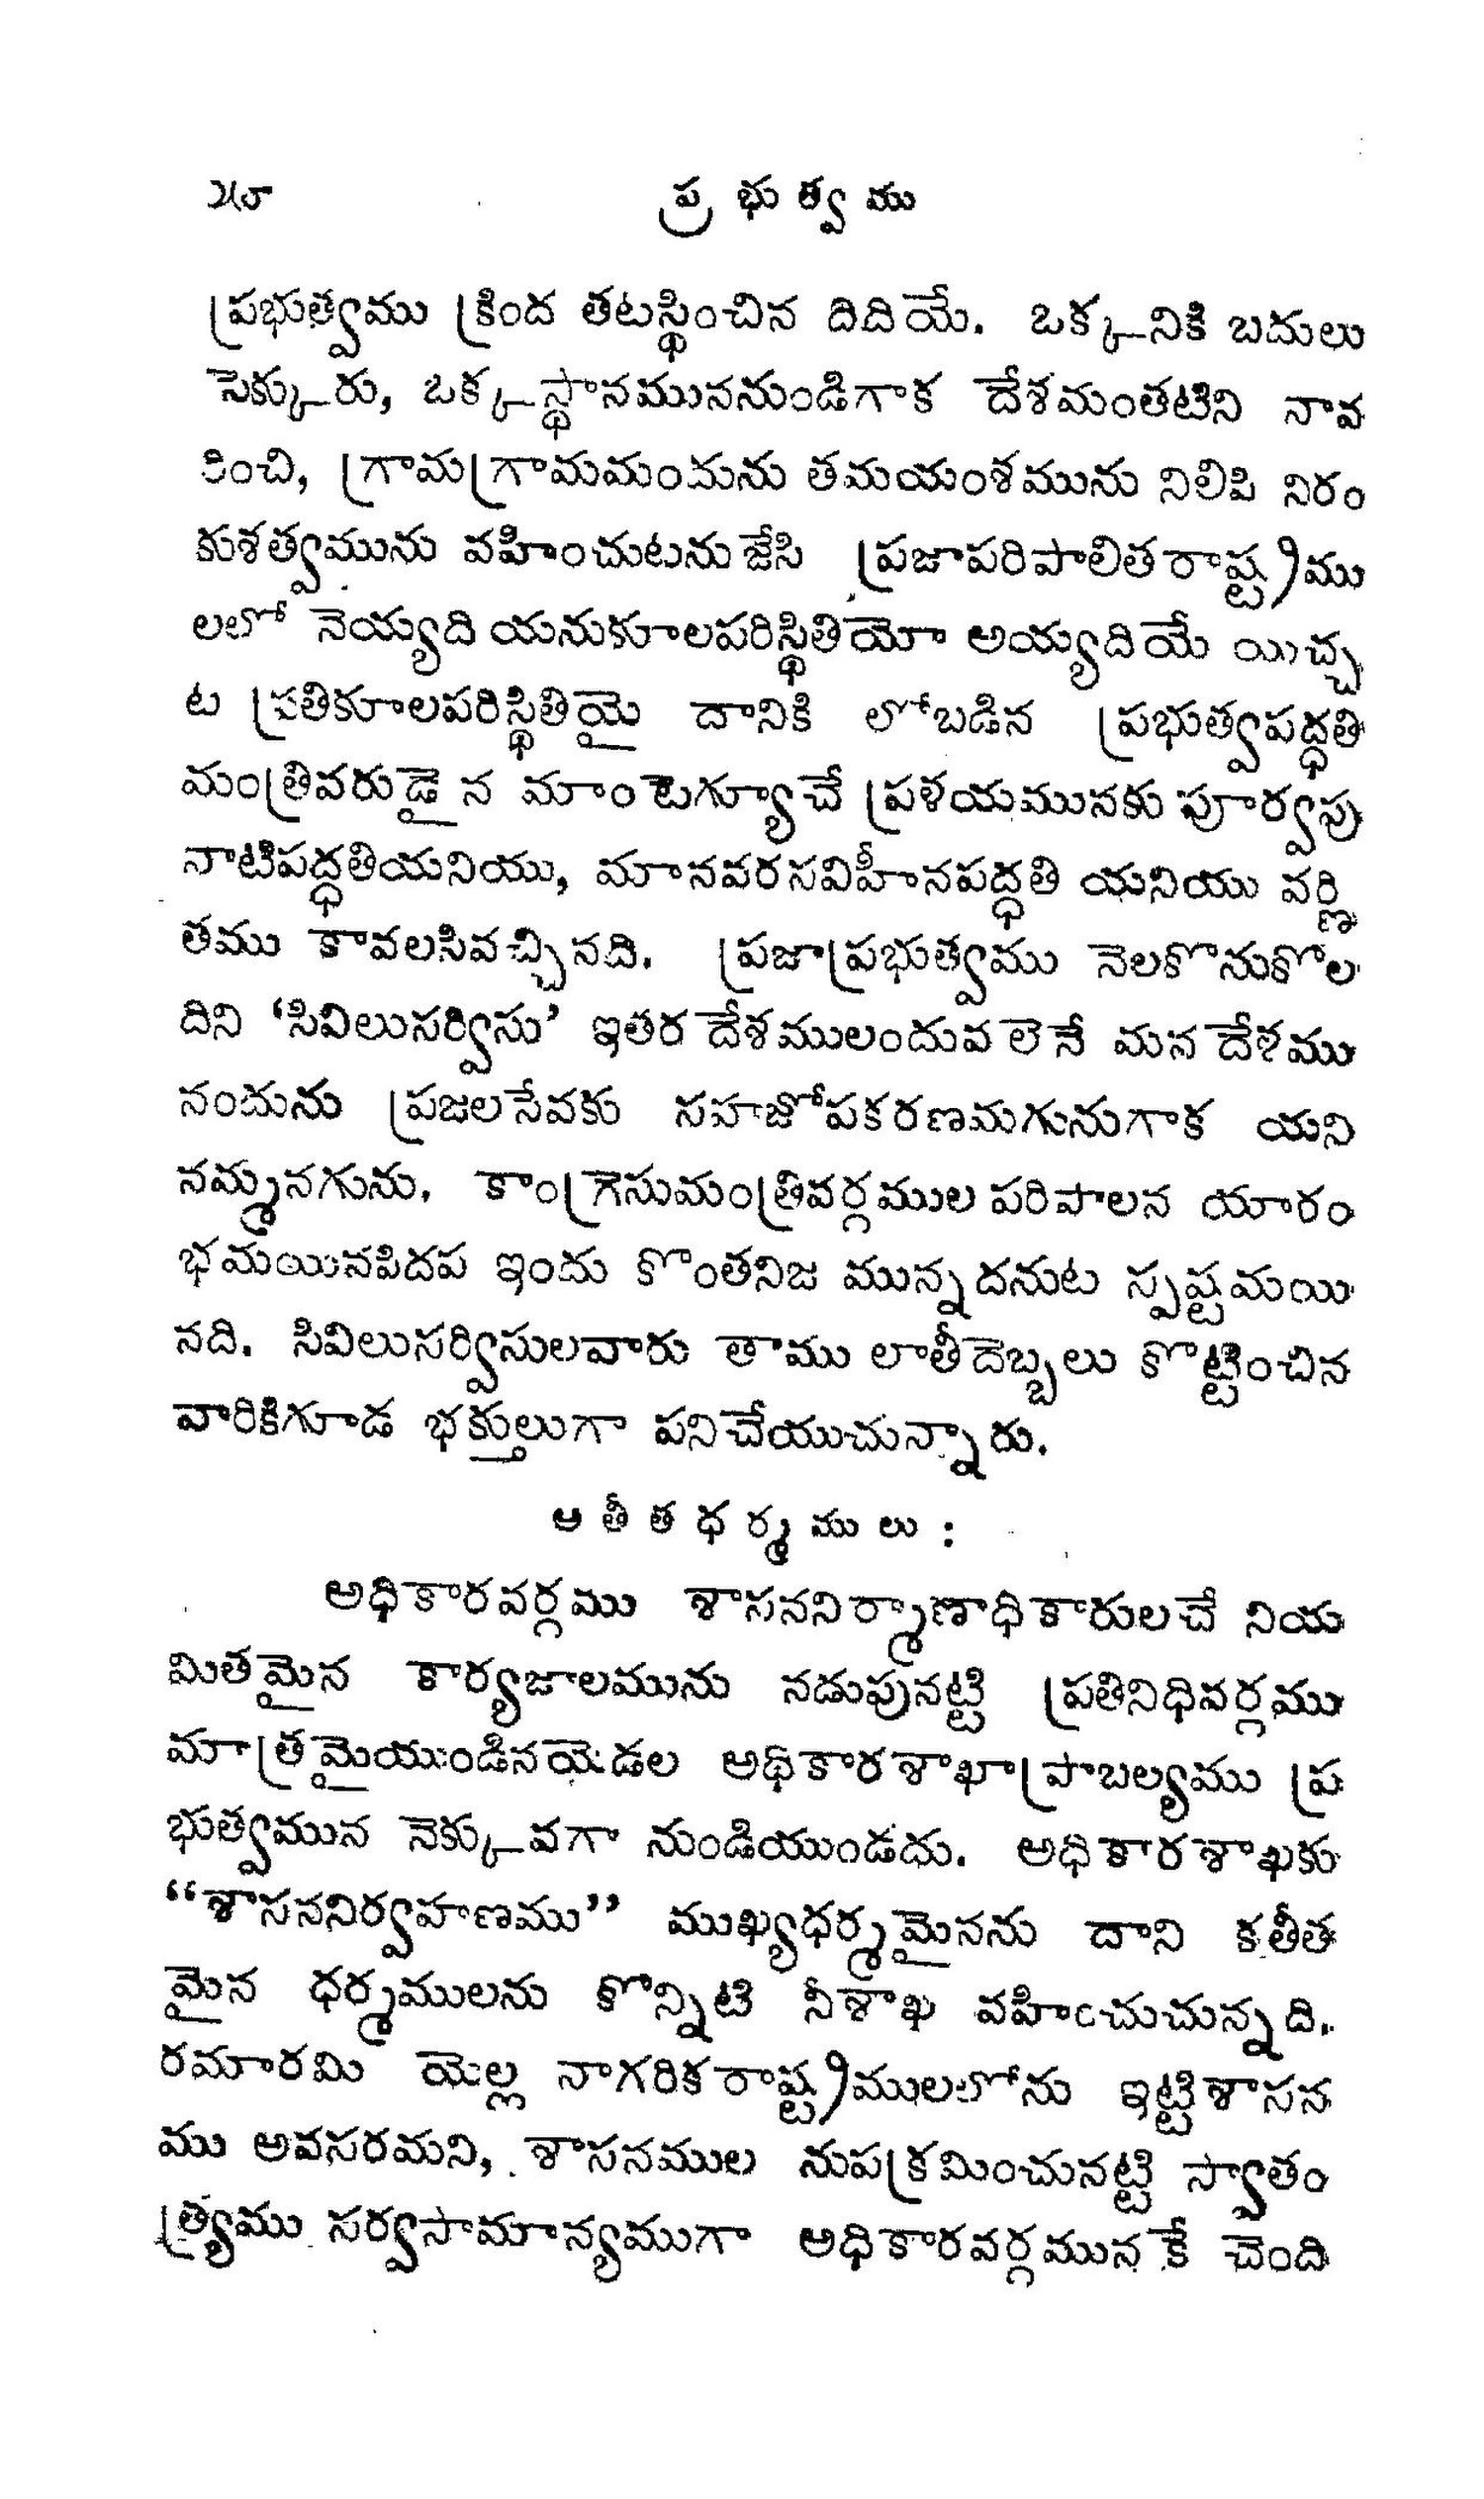ప్రభుత్వము క్రింద తటస్థించిన దిదియే. ఒక్కనికి బదులు పెక్కురు, ఒక్క స్థానముననుండిగాక దేశమంతటిని నావరించి, గ్రామగ్రామమందును తమయంశమును నిలిపి నిరంకుశత్వమును వహించుటనుజేసి ప్రజాపరిపాలితరాష్ట్రములలో నెయ్యది యనుకూలపరిస్థితియో అయ్యదియే యిచ్చట ప్రతికూలపరిస్థితియై దానికి లోబడిన ప్రభుత్వపద్ధతి మంత్రివరుడైన మాంటెగ్యూచే ప్రళయమునకు పూర్వపు నాటిపద్ధతియనియు, మానవరసవిహీనపద్ధతి యనియు వర్ణితము కావలసివచ్చినది. ప్రజాప్రభుత్వము నెలకొనుకొలదిని 'సివిలుసర్విసు' ఇతర దేశములందువలెనే మనదేశము నందును ప్రజలసేవకు సహజోపకరణమగునుగాక యని నమ్మనగును. కాంగ్రెసు మంత్రివర్గముల పరిపాలన యారంభమయినపిదప ఇందు కొంతనిజ మున్నదనుట స్పష్టమయినది. సివిలుసర్విసులవారు తాము లాతీదెబ్బలు కొట్టించిన వారికిగూడ భక్తులుగా పనిచేయుచున్నారు.

అధికారవర్గము శాసననిర్మాణాధికారులచే నియమితమైన కార్యజాలమును నడుపునట్టి ప్రతినిధివర్గము మాత్రమైయుండినయెడల అథికారశాఖాప్రాబల్యము ప్రభుత్వమున నెక్కువగా నుండియుండదు. అధికారశాఖకు "శాసననిర్వహణము” ముఖ్యధర్మమైనను దాని కతీతమైన ధర్మములను కొన్నిటి నీశాఖ వహించుచున్నది. రమారమి యెల్ల నాగరికరాష్ట్రములలోను ఇట్టిశాసనము అవసరమని, శాసనముల నుపక్రమించునట్టి స్వాతంత్ర్యము సర్వసామాన్యముగా అధికారవర్గమునకే చెంది